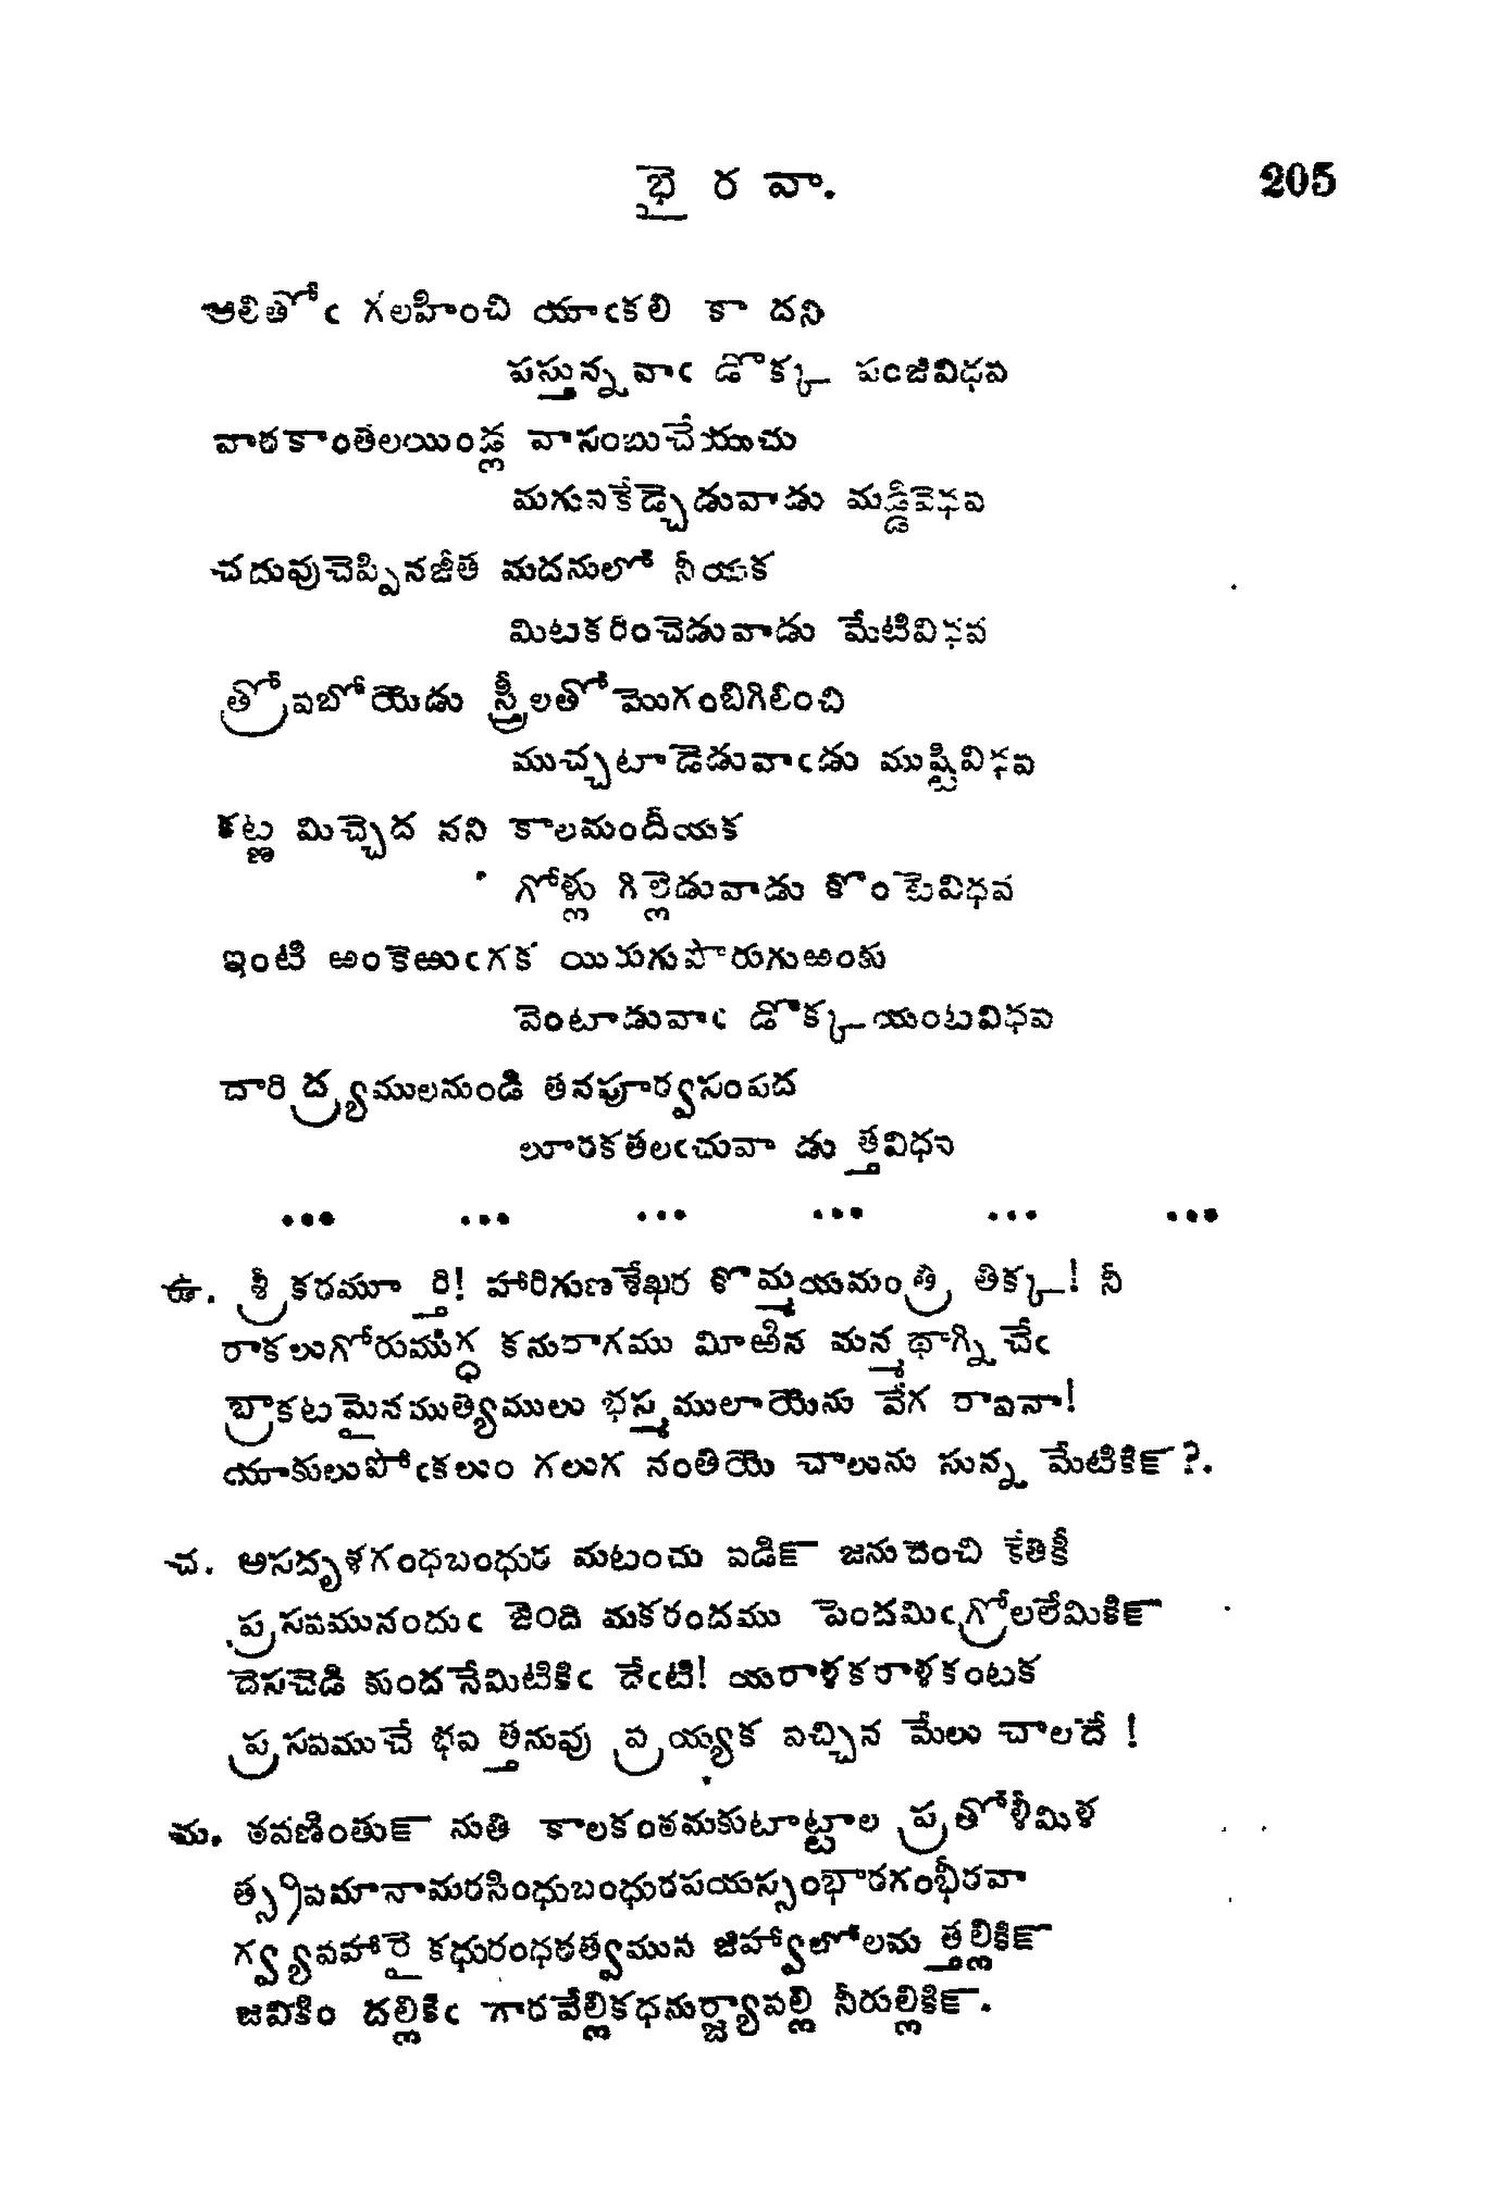ఆలితోఁ గలహించి యాఁకలి కా దని
 పస్తున్నవాఁ డొక్క పంజివిధవ
 వారకాంతలయిండ్ల వాసంబుచేయుచు
 మగువ కేడ్చెడువాఁడు మడ్డివిధవ
 చదువుచెప్పినజీత మదనులో నీయక
 మిటకరించెడువాఁడు మేటివిధవ
 త్రోవబోయెడు స్త్రీలతో మొగం బిగిలించి
 ముచ్చటాడెడువాఁడు ముష్టివిధవ
 కట్ణ మిచ్చెద నని కాల మందీయక
 గోళ్ళు గిల్లెడువాఁడు కొంటెవిధవ
 ఇంటి ఱంగెఱుఁగక యిరుగుపొరుగుఱంకు
 వెంటాడువాఁ డొక్క యంట్లవిధవ
 దారిద్ర్యములనుండి తనపూర్వసంపద
 లూరకతలఁచువాఁ డుత్తవిధవ
 .............................................
ఉ. శ్రీకరమూర్తి! హారిగుణశేఖర కొమ్మయమంత్రి తిక్క! నీ
 రాకలుగోరుముగ్ధ కనురాగము మీఱిన మన్మథాగ్నిచేఁ
 బ్రాకటమైన ముత్యములు భస్మము లాయెను వేగ రావనా!
 యాకులుపోఁకలుం గలుగ నంతియె చాలును సున్న మేటికిన్?
త. అసదృశగంధబంధుర మటంచు వడిన్ జనుదెంచి కేతకీ
 ప్రసవమునందుఁ జెంది మకరందము పెందమిఁగ్రోలలేమికిన్
 దెసచెడి కుంద నేమిటికిఁ దేఁటి! యరాళకరాళకంటక
 ప్రసవముచే భవత్తనువు వ్రయ్యక వచ్చిన మేలు చాలదే!
మ. ఠవణింతున్ నుతి కాలకంఠమకుటాట్టాలప్రతోళీమిళ
 త్స్రవమానామరసింధుబంధురపయస్సంభారగంభీరవా
 గ్వ్యవహారైకధురంధరత్వమున జిహ్వాలోలమత్తల్లికిన్
 జవికిం దల్లికిఁ గారవేల్లికధనుర్జ్యావల్లి నీరుల్లికిన్.